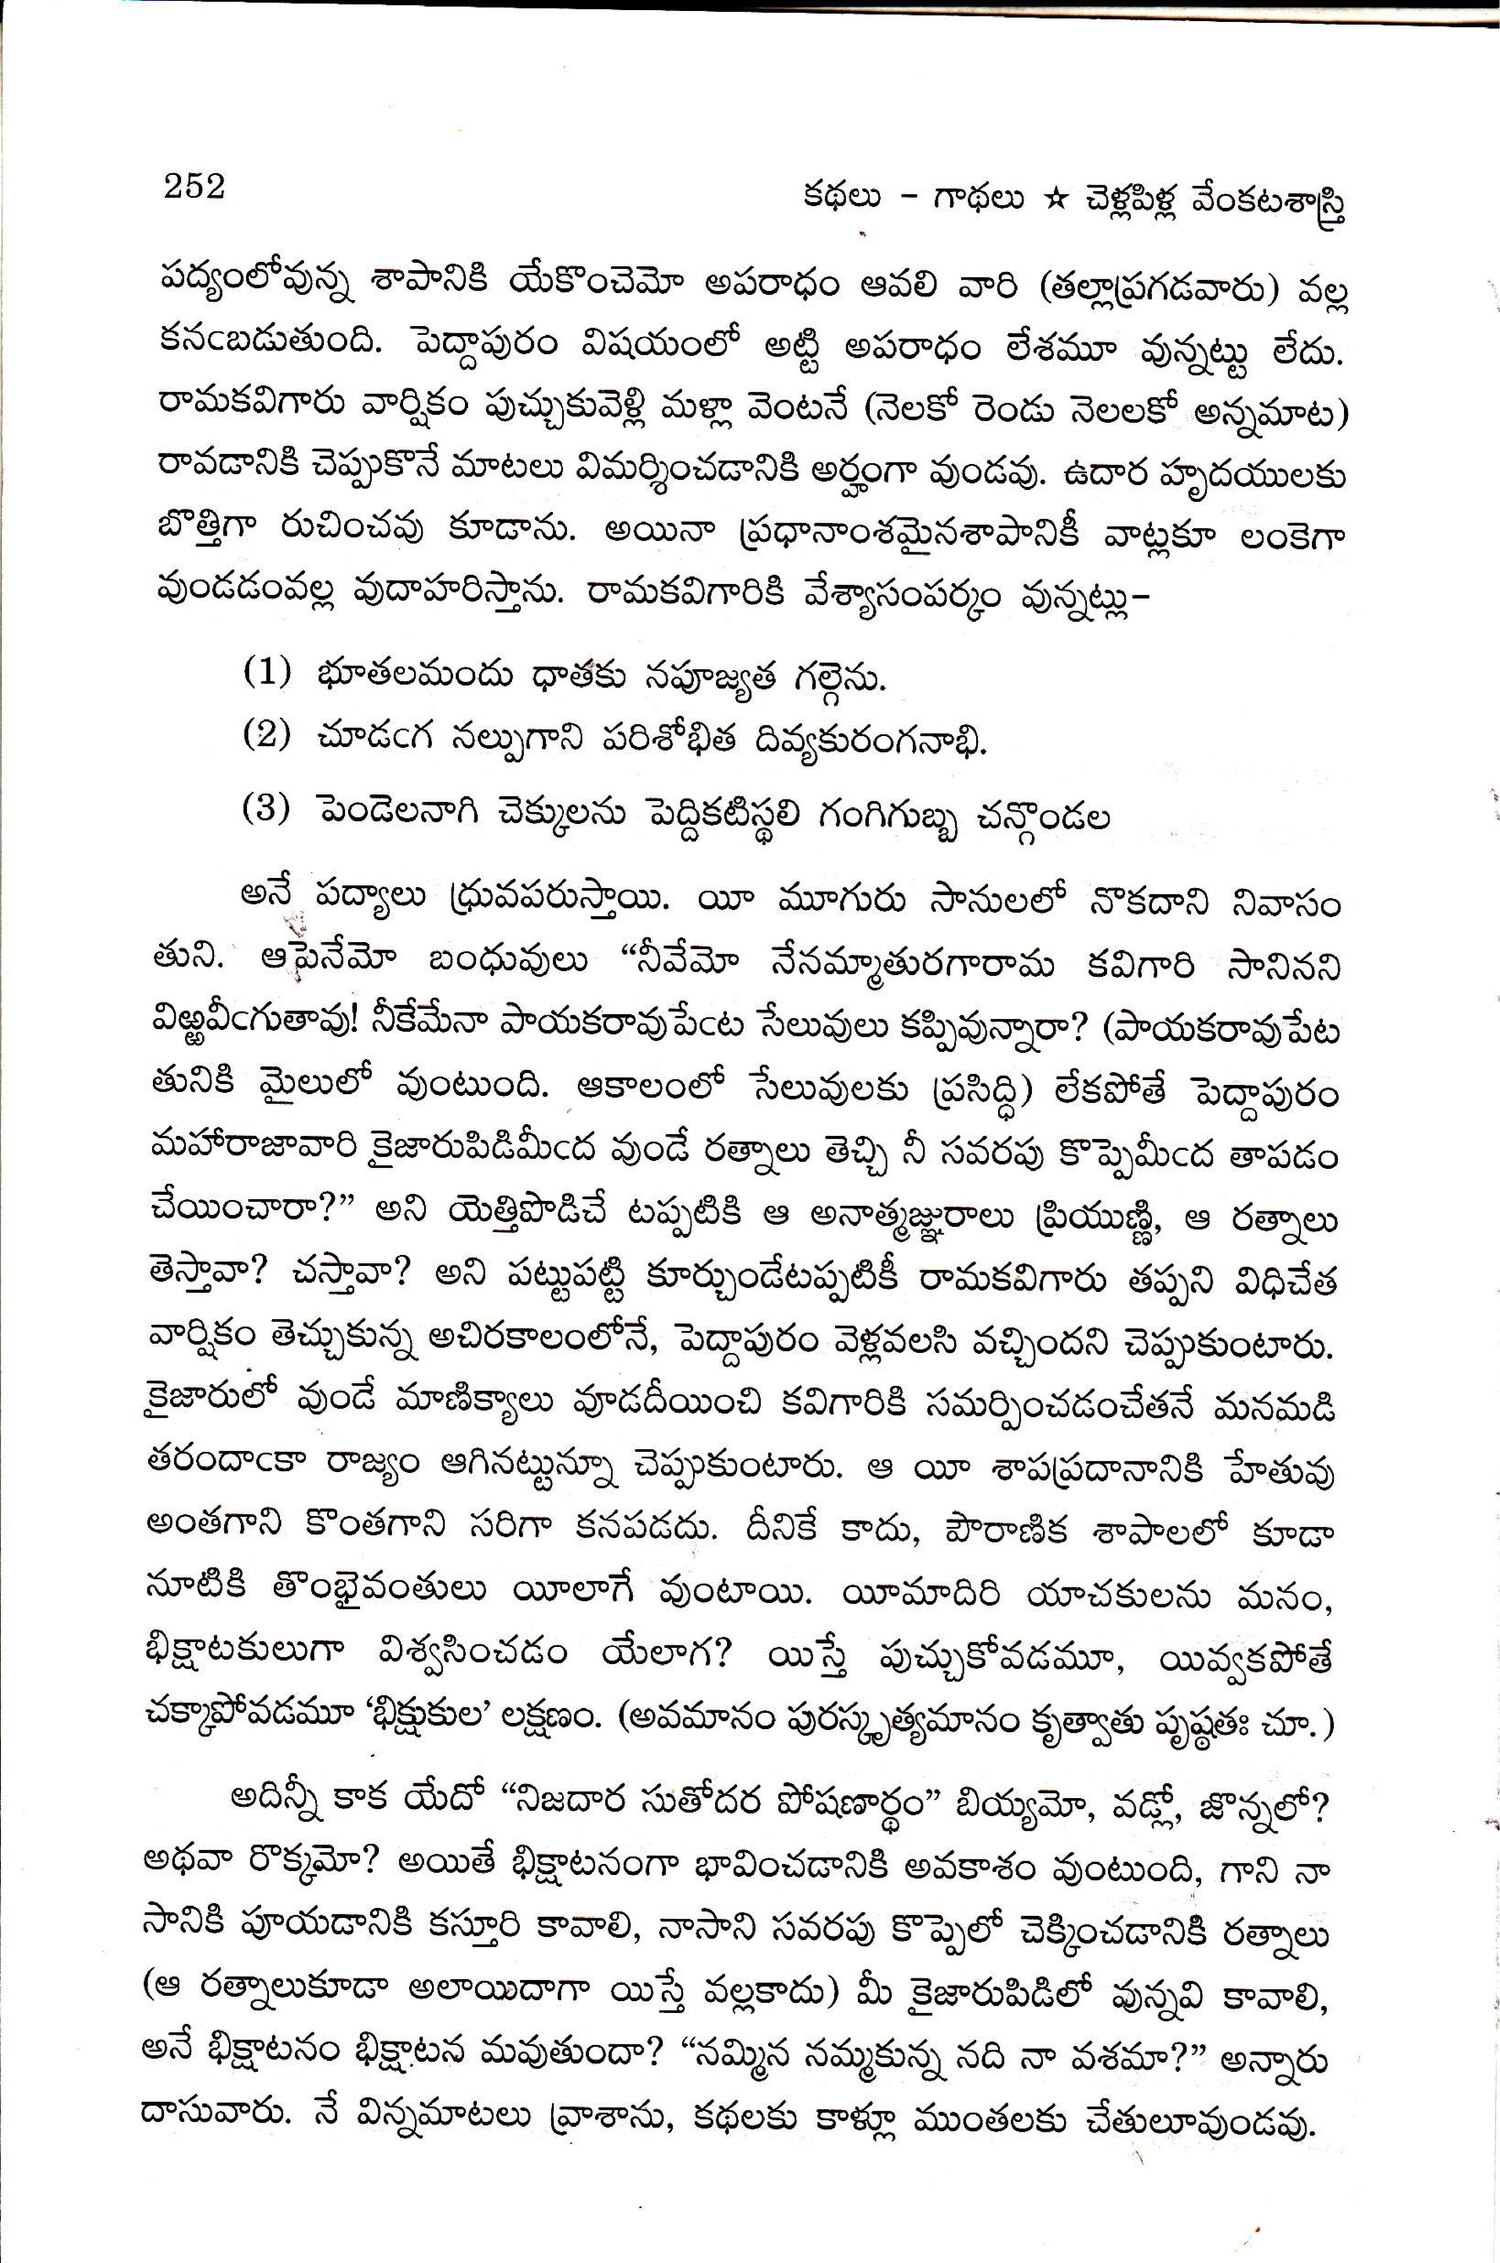పద్యంలోవున్న శాపానికి యేకొంచెమో అపరాధం ఆవలి వారి (తల్లాప్రగడవారు) వల్ల కనcబడుతుంది. పెద్దాపురం విషయంలో అట్టి అపరాధం లేశమూ వున్నట్టు లేదు. రామకవిగారు వార్షికం పుచ్చుకువెళ్లి మళ్లా వెంటనే (నెలకో రెండు నెలలకో అన్నమాట) రావడానికి చెప్పుకొనే మాటలు విమర్శించడానికి అర్హంగా వుండవు. ఉదార హృదయులకు బొత్తిగా రుచించవు కూడాను. అయినా ప్రధానాంశమైనశాపానికీ వాట్లకూ లంకెగా వుండడంవల్ల వుదాహరిస్తాను. రామకవిగారికి వేశ్యాసంపర్కం వున్నట్లు

(1) భూతలమందు ధాతకు నపూజ్యత గల్లెను. 

(2) చూడఁగ నల్పుగాని పరిశోభిత దివ్యకురంగనాభి.

(3) పెండెలనాగి చెక్కులను పెద్దికటిస్థలి గంగిగుబ్బ చన్గొండల

అనే పద్యాలు ధ్రువపరుస్తాయి. యీ మూగురు సానులలో నొకదాని నివాసం తుని. ఆపెనేమో బంధువులు "నీవేమో నేనమ్మాతురగారామ కవిగారి సానినని విఱ్ఱవీఁగుతావు! నీకేమేనా పాయకరావుపేఁట సేలువులు కప్పివున్నారా? (పాయకరావుపేట తునికి మైలులో వుంటుంది. ఆకాలంలో సేలువులకు ప్రసిద్ధి) లేకపోతే పెద్దాపురం మహారాజావారి కైజారుపిడిమీఁద వుండే రత్నాలు తెచ్చి నీ సవరపు కొప్పెమీఁద తాపడం చేయించారా?" అని యెత్తిపొడిచే టప్పటికి ఆ అనాత్మజ్ఞురాలు ప్రియుణ్ణి, ఆ రత్నాలు తెస్తావా? చస్తావా? అని పట్టుపట్టి కూర్చుండేటప్పటికీ రామకవిగారు తప్పని విధిచేత వార్షికం తెచ్చుకున్న అచిరకాలంలోనే, పెద్దాపురం వెళ్లవలసి వచ్చిందని చెప్పుకుంటారు. కైజారులో వుండే మాణిక్యాలు వూడదీయించి కవిగారికి సమర్పించడంచేతనే మనమడి తరందాఁకా రాజ్యం ఆగినట్టున్నూ చెప్పుకుంటారు. ఆ యీ శాపప్రదానానికి హేతువు అంతగాని కొంతగాని సరిగా కనపడదు. దీనికే కాదు, పౌరాణిక శాపాలలో కూడా నూటికి తొంభైవంతులు యీలాగే వుంటాయి. యీమాదిరి యాచకులను మనం, భిక్షాటకులుగా విశ్వసించడం యేలాగ? యిస్తే పుచ్చుకోవడమూ, యివ్వకపోతే చక్కాపోవడమూ 'భిక్షకుల' లక్షణం. (అవమానం పురస్కృత్యమానం కృత్వాతు పృష్ఠతః చూ.)

అదిన్నీ కాక యేదో “నిజదార సుతోదర పోషణార్థం" బియ్యమో, వడ్లో, జొన్నలో? అథవా రొక్కమో? అయితే భిక్షాటనంగా భావించడానికి అవకాశం వుంటుంది, గాని నా సానికి పూయడానికి కస్తూరి కావాలి, నాసాని సవరపు కొప్పెలో చెక్కించడానికి రత్నాలు (ఆ రత్నాలుకూడా అలాయిదాగా యిస్తే వల్లకాదు) మీ కైజారుపిడిలో వున్నవి కావాలి, అనే భిక్షాటనం భిక్షాటన మవుతుందా? “నమ్మిన నమ్మకున్న నది నా వశమా?" అన్నారు దాసువారు. నే విన్నమాటలు వ్రాశాను, కథలకు కాళ్లూ ముంతలకు చేతులూవుండవు.